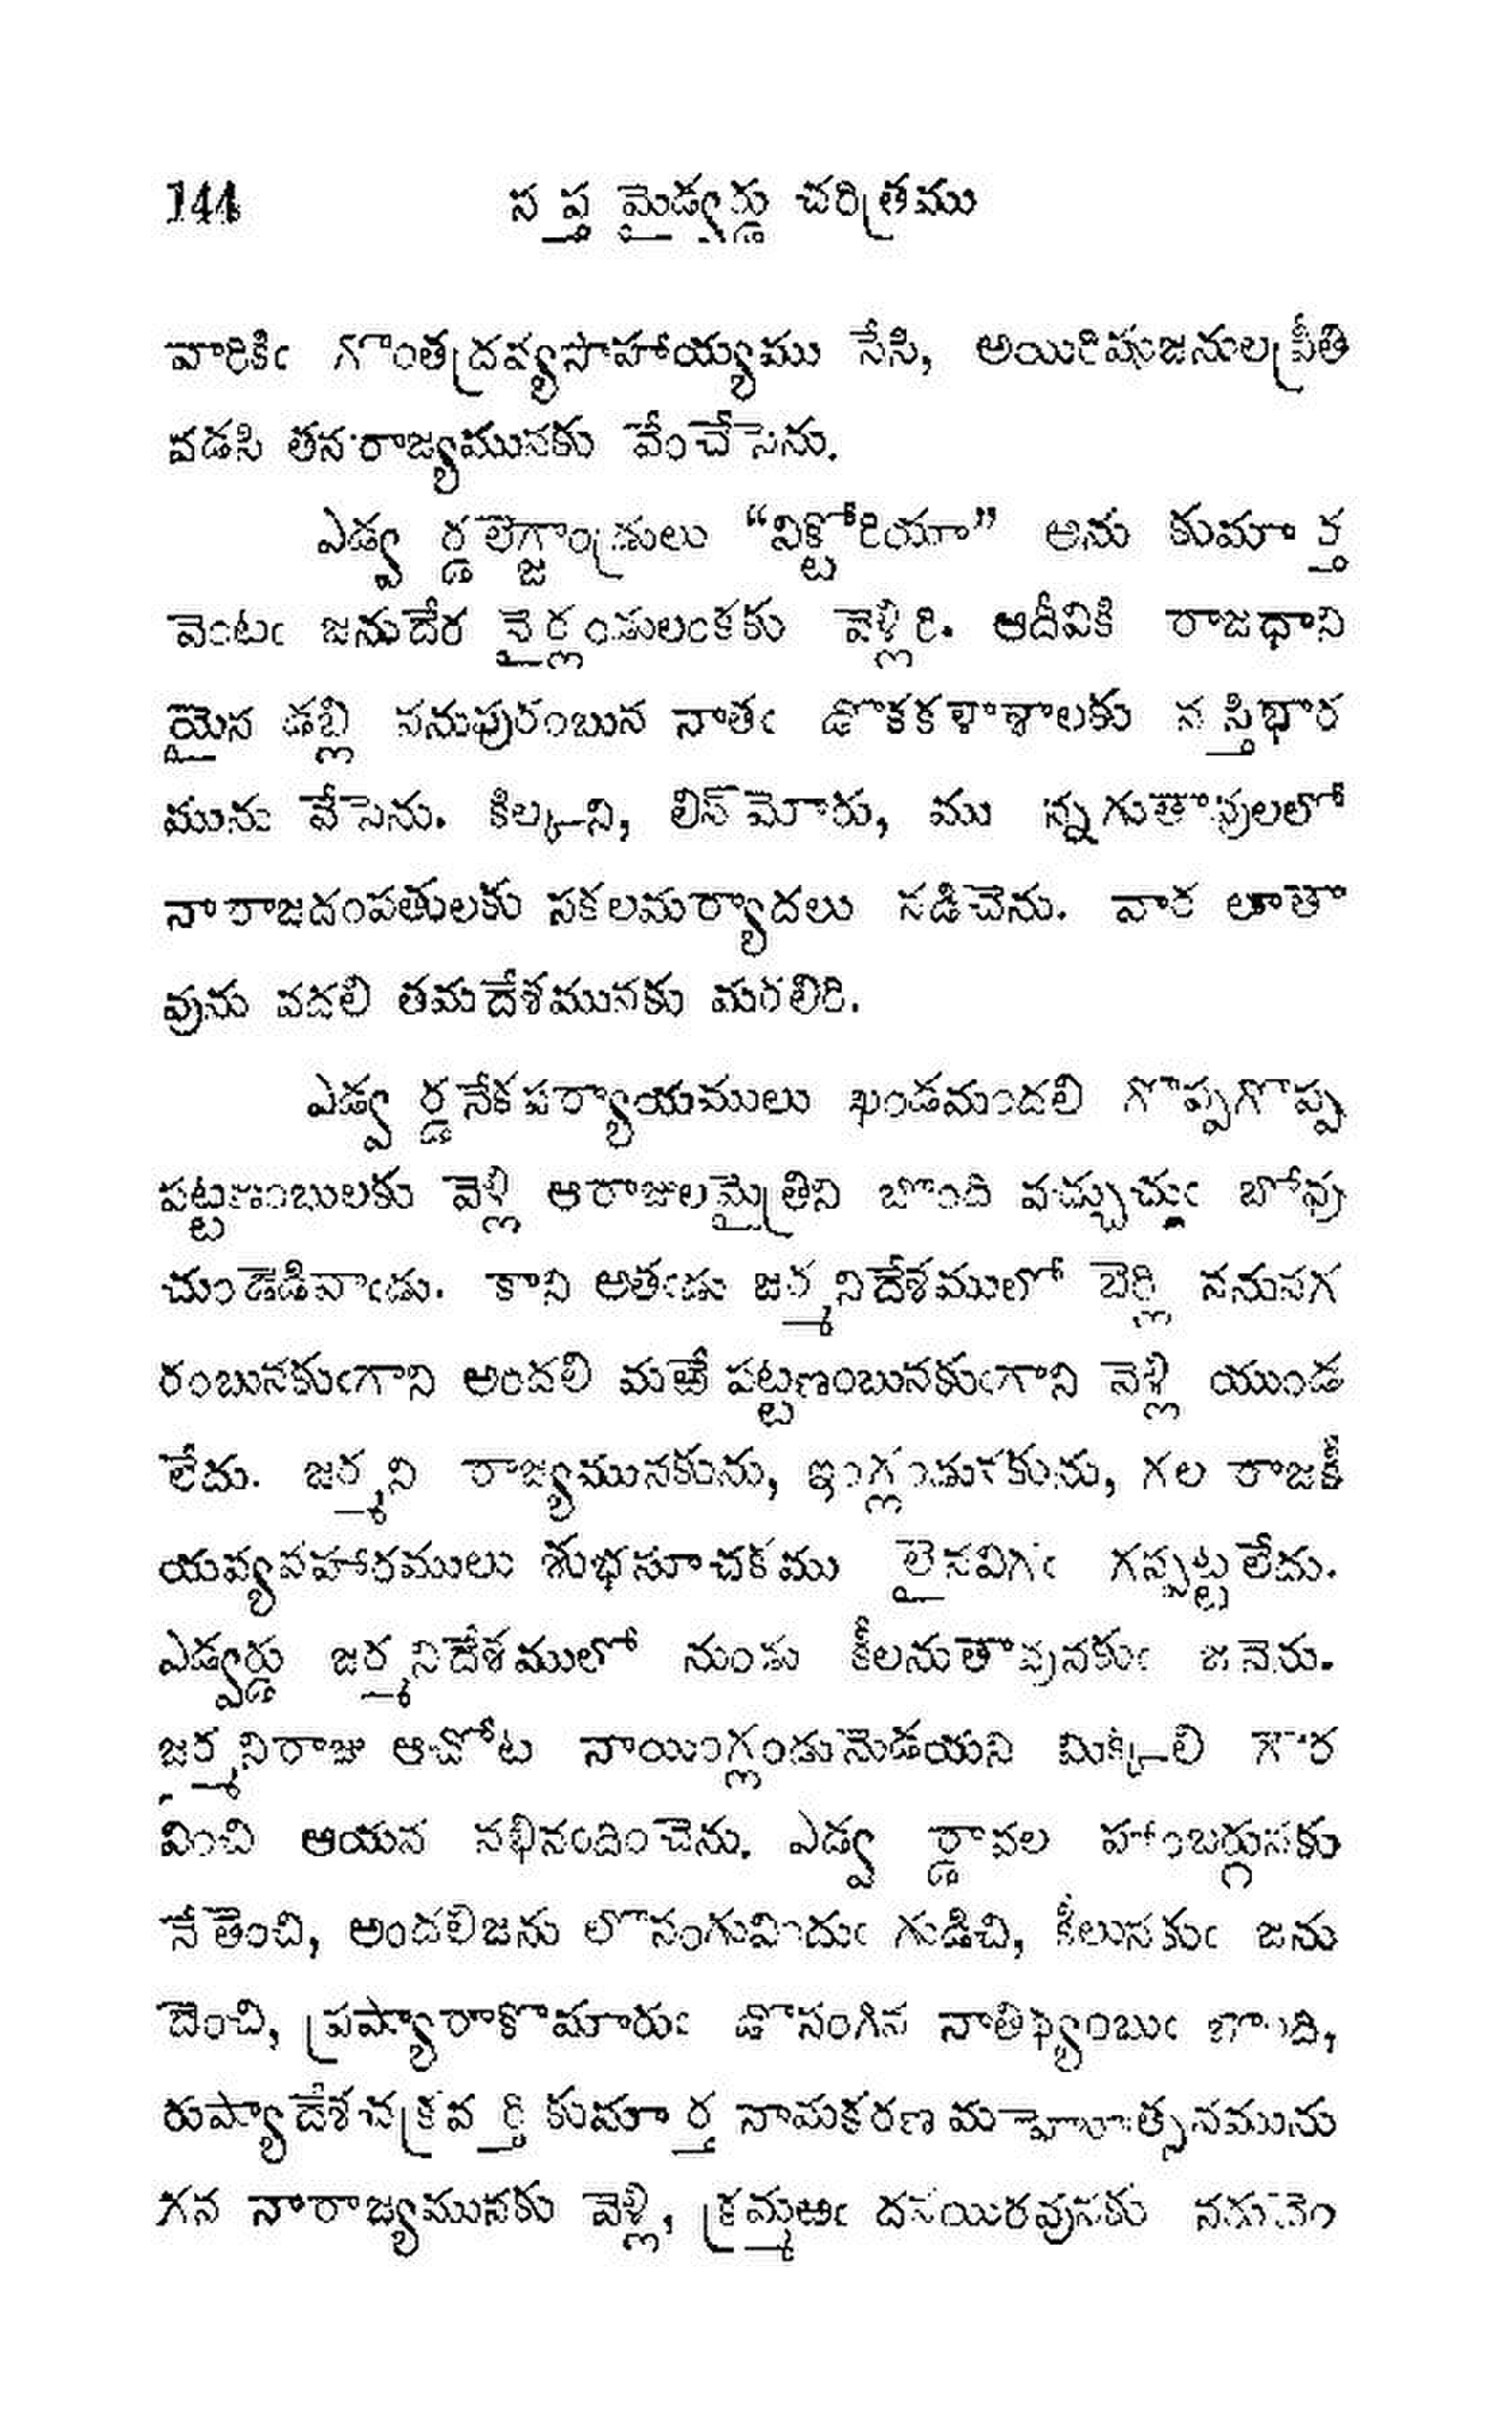వారికిఁ గొంత ద్రవ్యసాహాయ్యము సేసి, అయిరిషుజనుల ప్రీతి వడసి తన రాజ్యమునకు వేంచేసెను.

ఎడ్ర్డ లెగ్జాండ్రులు “విక్టోరియా” అను కుమార్త వెంటఁ జనుదేర నైర్లండులంకకు వెళ్లి.. ఆదీవికి రాజధాని యైస డబ్లీ నను పురంబున నాతఁ డొక కళాశాలకు న స్తిభార మును వేసెను. కిల్కని, లీన్ మోరు, మున్నగు తావులలో నా రాజదంపతులకు సకల మర్యాదలు నడిచెను. వార లాతా వును వదలి తమదేశమునకు మరలిరి.

ఎడ్వర్డ నేక పర్యాయములు ఖండమందలి గొప్పగొప్ప పట్టణబులకు వెళ్లి ఆ రాజుల మైత్రిని అంది వచ్చుచుఁ బోవు చుండెడివాఁడు. కాని అతఁడు జర్మని దేశములో బెర్లినను సగ రంబునకుఁగాని అందలి మఱే పట్టణంబునకుఁగాని నెళ్లి యుండ లేదు. జర్మని రాజ్యమునకును, ఇంగ్లడుకును, గల రాజకీ యవ్యవహారములు శుభ సూచకము లైనవిగ గస్పట్ట లేదు. ఎడ్వర్డు జర్మని దేశములో నుండు కీలను తావునకుఁ జనెను. జర్మని రాజు ఆచోట నాయింగ్లండు నొడయని మిక్కిలి గార వించి ఆయన నభినందించెను. ఎడ్వర్డావల హాంబర్గునకు నే తెంచి, అందలి జను లొసంగు విందుఁ గుడిచి, కీలునకుఁ జను దెంచి, ప్రష్యారా కొమారు కొసంగిన నాతిద్యంబుఁ బొంది, రుష్యా దేశ చక్రవర్తి కుమార్త నామకరణ మహోత్సవమును గన నారాజ్యమునకు వెళ్లి, క్రమ్మఱ దన యిరవునకు నరుదెం